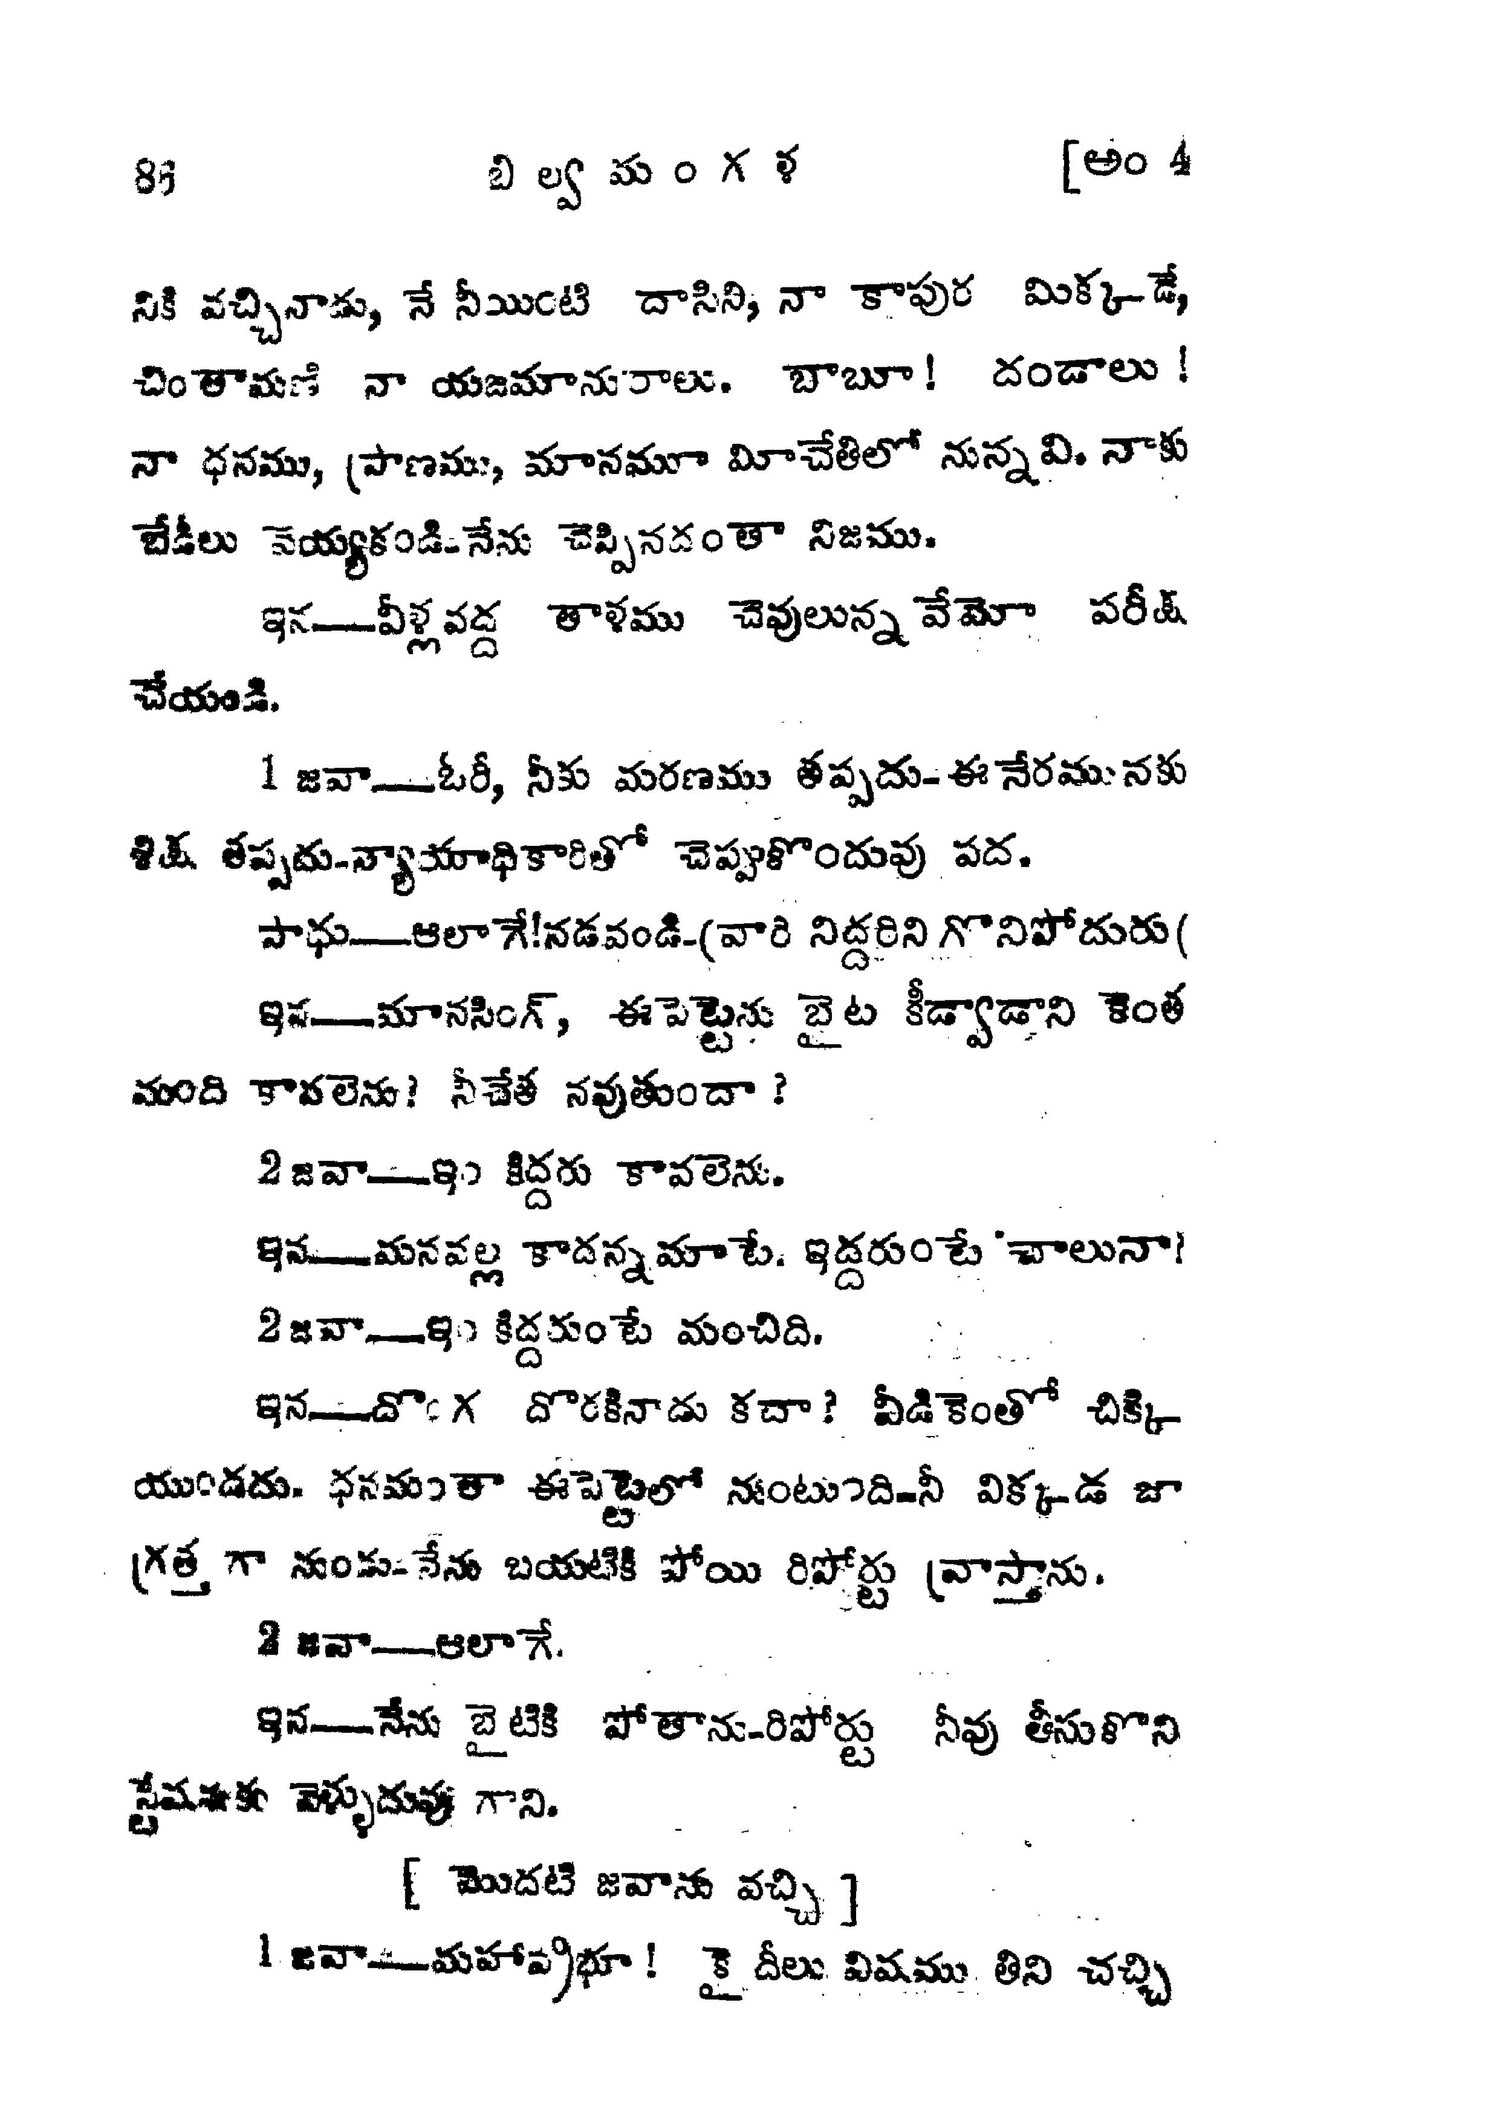నికి వచ్చినాడు, నే నీయింటి దాసిని, నా కాపుర మిక్కడే, చింతామణి నా యజమానురాలు. బాబూ! దండాలు! నా ధనము, ప్రాణము, మానమూ మీచేతిలో నున్నవి. నాకు బేడీలు వెయ్యకండి-నేను చెప్పినదంతా నిజము.

ఇన - వీళ్లవద్ద తాళము చెవులున్న వేమో పరీక్ష చేయండి.

1 జవా - ఓరీ, నీకు మరణము తప్పదు-ఈనేరమునకు శిక్ష తప్పదు-న్యాయాధికారితో చెప్పుకొందువు పద.

సాధు - ఆలాగే! నడవండి-(వారి నిద్దరిని గొనిపోదురు)

ఇన - మానసింగ్, ఈపెట్టెను బైట కీడ్వాడాని కెంత మంది కావలనె? నీచేత నవుతుందా?

2 జవా - ఇం కిద్దరు కావలెను.

ఇన - మనవల్ల కాదన్నమాటే. ఇద్దరుంటే చాలునా!

2 జవా - ఇం కిద్దరుంటే మంచిది.

ఇన - దొంగ దొరకినాడు కదా? వీడికెంతో చిక్కి యుండదు. ధనమంతా ఈపెట్టెలో నుంటుంది-నీ విక్కడ జాగ్రత్తగా నుండు-నేను బయటికి పోయి రిపోర్టు వ్రాస్తాను.

2 జవా - అలాగే.

ఇన - నేను బైటికి పోతాను-రిపోర్టు నీవు తీసుకొని స్టేషనుకు వెళ్ళుదువు గాని.

1 జవా - మహాప్రభూ! కైదీలు విషము తిని చచ్చి